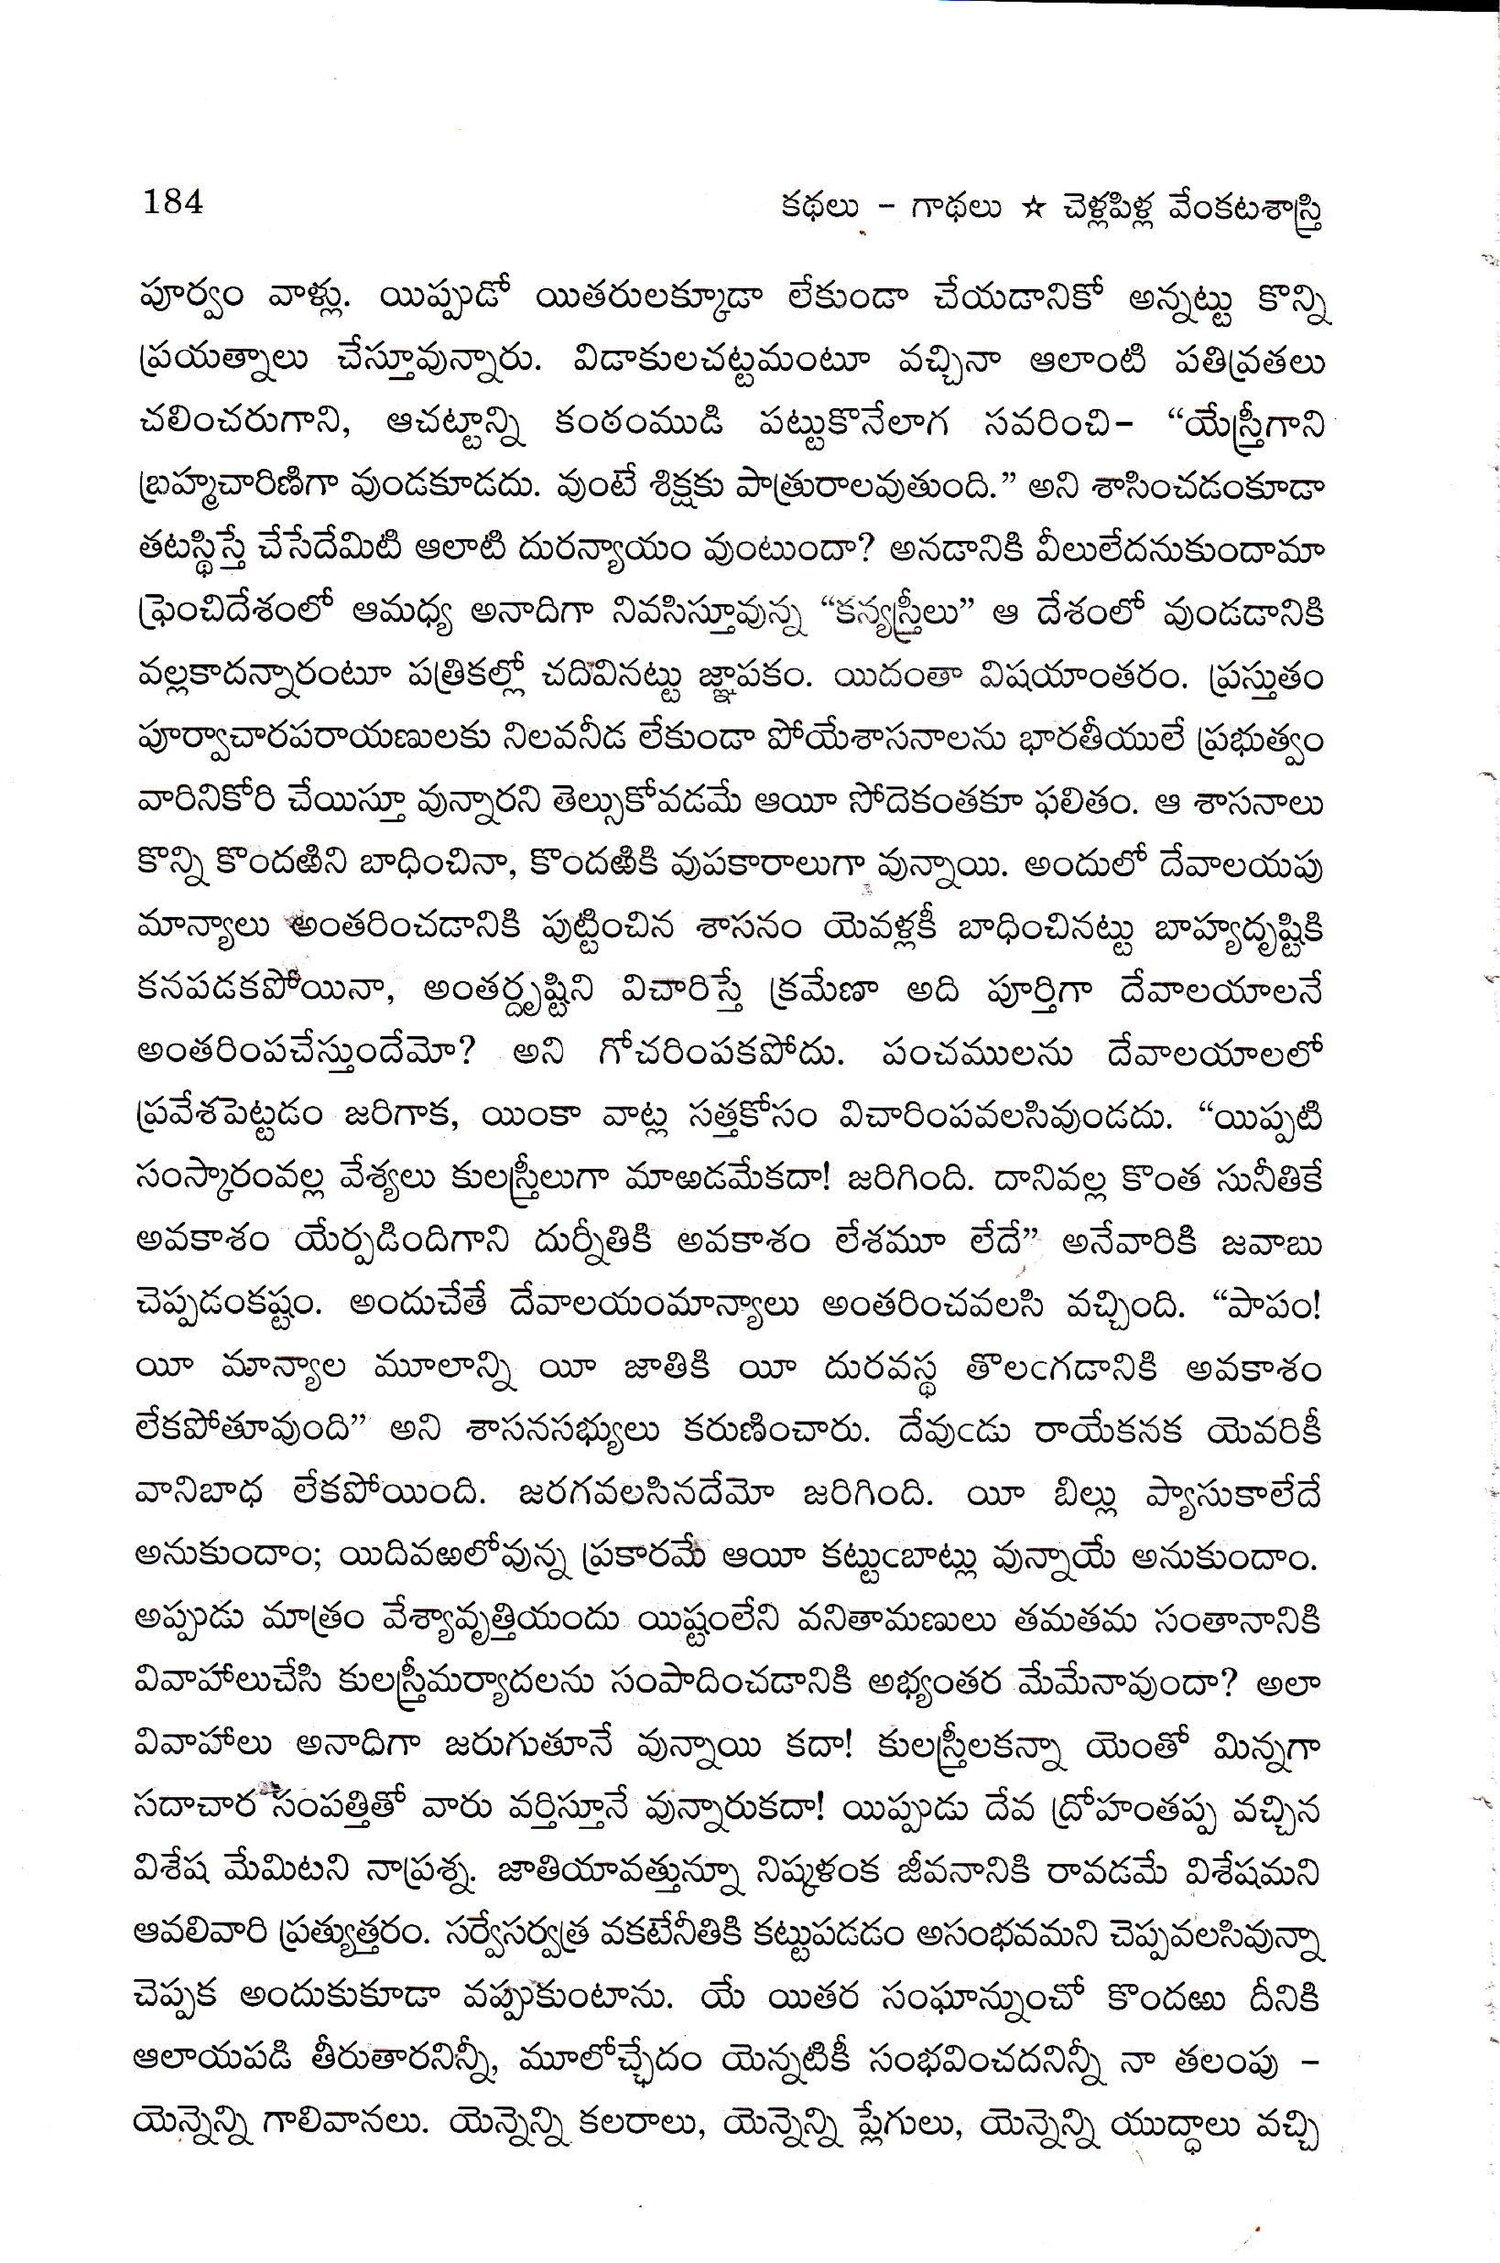పూర్వం వాళ్లు. యిప్పుడో యితరులక్కూడా లేకుండా చేయడానికో అన్నట్టు కొన్ని ప్రయత్నాలు చేస్తూవున్నారు. విడాకులచట్టమంటూ వచ్చినా ఆలాంటి పతివ్రతలు చలించరుగాని, ఆచట్టాన్ని కంఠంముడి పట్టుకొనేలాగ సవరించి- "యేస్త్రీగాని బ్రహ్మచారిణిగా వుండకూడదు. వుంటే శిక్షకు పాత్రురాలవుతుంది." అని శాసించడంకూడా తటస్థిస్తే చేసేదేమిటి ఆలాటి దురన్యాయం వుంటుందా? అనడానికి వీలులేదనుకుందామా ఫ్రెంచిదేశంలో ఆమధ్య అనాదిగా నివసిస్తూవున్న "కన్యస్త్రీలు" ఆ దేశంలో వుండడానికి వల్లకాదన్నారంటూ పత్రికల్లో చదివినట్టు జ్ఞాపకం. యిదంతా విషయాంతరం. ప్రస్తుతం పూర్వాచారపరాయణులకు నిలవనీడ లేకుండా పోయేశాసనాలను భారతీయులే ప్రభుత్వం వారినికోరి చేయిస్తూ వున్నారని తెల్సుకోవడమే ఆయీ సోదెకంతకూ ఫలితం. ఆ శాసనాలు కొన్ని కొందఱిని బాధించినా, కొందఱికి వుపకారాలుగా వున్నాయి. అందులో దేవాలయపు మాన్యాలు అంతరించడానికి పుట్టించిన శాసనం యొవళ్లకీ బాధించినట్టు బాహ్యదృష్టికి కనపడకపోయినా, అంతర్దృష్టిని విచారిస్తే క్రమేణా అది పూర్తిగా దేవాలయాలనే అంతరింపచేస్తుందేమో? అని గోచరింపకపోదు. పంచములను దేవాలయాలలో ప్రవేశపెట్టడం జరిగాక, యింకా వాట్ల సత్తకోసం విచారింపవలసివుండదు. “యిప్పటి సంస్కారంవల్ల వేశ్యలు కులస్త్రీలుగా మాఱడమేకదా! జరిగింది. దానివల్ల కొంత సునీతికే అవకాశం యేర్పడిందిగాని దుర్నీతికి అవకాశం లేశమూ లేదే" అనేవారికి జవాబు చెప్పడంకష్టం. అందుచేతే దేవాలయంమాన్యాలు అంతరించవలసి వచ్చింది. “పాపం! యీ మాన్యాల మూలాన్ని యీ జాతికి యీ దురవస్థ తొలఁగడానికి అవకాశం లేకపోతూవుంది” అని శాసనసభ్యులు కరుణించారు. దేవుఁడు రాయేకనక యెవరికీ వానిబాధ లేకపోయింది. జరగవలసినదేమో జరిగింది. యీ బిల్లు ప్యాసుకాలేదే అనుకుందాం; యిదివఱలోవున్న ప్రకారమే ఆయీ కట్టుఁబాట్లు వున్నాయే అనుకుందాం. అప్పడు మాత్రం వేశ్యావృత్తియందు యిష్టంలేని వనితామణులు తమతమ సంతానానికి వివాహాలుచేసి కులస్త్రీమర్యాదలను సంపాదించడానికి అభ్యంతర మేమేనావుందా? అలా వివాహాలు అనాదిగా జరుగుతూనే వున్నాయి కదా! కులస్త్రీలకన్నా యెంతో మిన్నగా సదాచార సంపత్తితో వారు వర్తిస్తూనే వున్నారుకదా! యిప్పుడు దేవ ద్రోహంతప్ప వచ్చిన విశేష మేమిటని నాప్రశ్న జాతియావత్తున్నూ నిష్కళంక జీవనానికి రావడమే విశేషమని ఆవలివారి ప్రత్యుత్తరం. సర్వేసర్వత్ర వకటేనీతికి కట్టుపడడం అసంభవమని చెప్పవలసివున్నా చెప్పక అందుకుకూడా వప్పుకుంటాను. యే యితర సంఘాన్నుంచో కొందఱు దీనికి ఆలాయపడి తీరుతారనిన్నీ మూలోచ్ఛేదం యెన్నటికీ సంభవించదనిన్నీ నా తలంపు - యెన్నెన్ని గాలివానలు. యెన్నెన్ని కలరాలు, యెన్నెన్ని ప్లేగులు, యెన్నెన్ని యుద్ధాలు వచ్చి